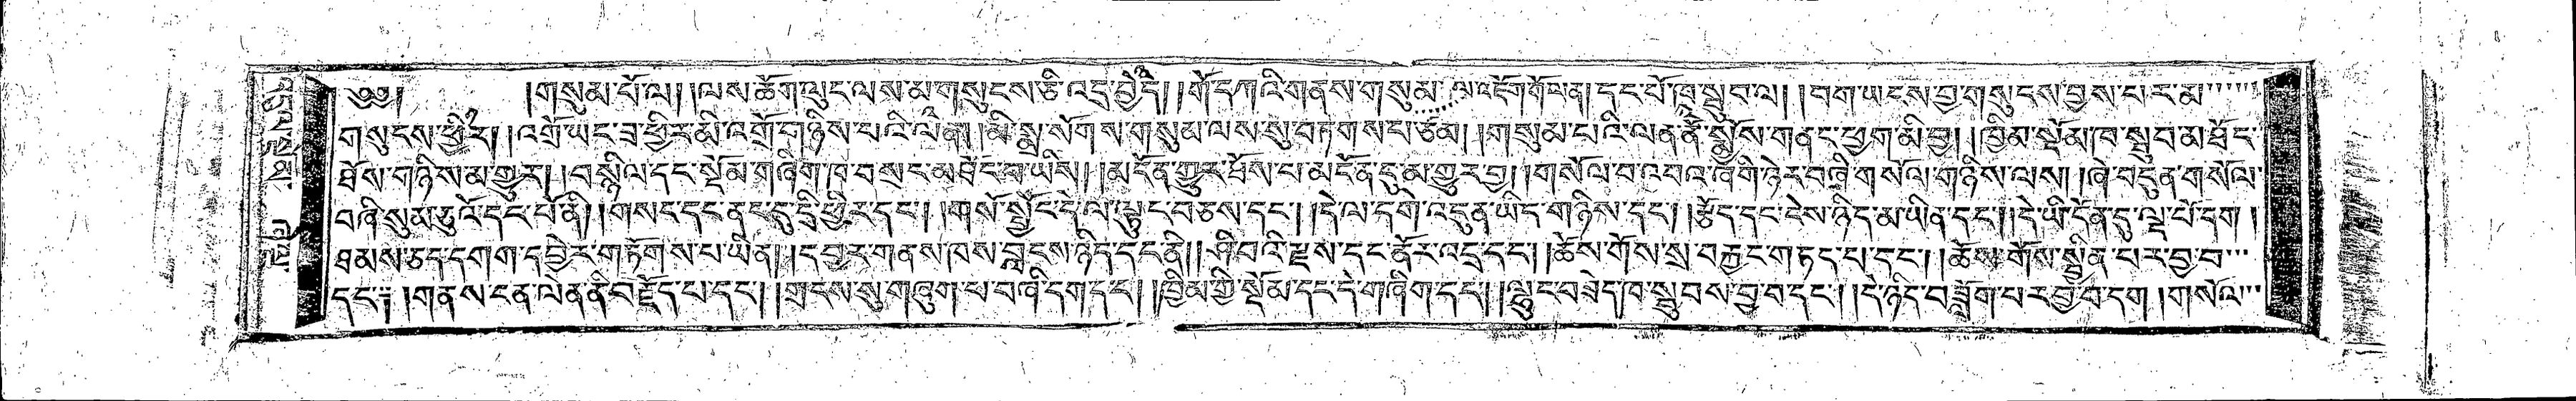༄༅། །གསུམ་པོ་ལ། །ལས་ཆོག་ལུང་ལས་མཱ་གསུངས་ཅི་འདྲ་བྱེད། །གོ་དཀའི་གནས་གསུམ་ལ་འཇོག་གོ་ལན། དང་པོ་ཁ་སྦུབ་ལ། །བག་ཡངས་བྱ་གསུངས་བྱས་པར་མ་
གསུངས་ཕྱིར། །འགྲོ་ཡང་ཟ་ཕྱིར་མི་འགྲོ་གཉིས་པའི་ལན། །མི་སྨྲ་སོགས་གསུམ་ལས་སུ་བཏགས་པ་ཙམ། །གསུམ་པའི་ལན་ནོ་སྨྱོས་གནང་ཕྱག་མི་བྱ། །ཁྱིམ་སྡོམ་ཁ་སྦུབ་མཐོང་
ཐོས་གཉིས་མ་གྱུར། །བསྙིལ་དང་སྡོམ་གཞིག་ཁ་བསྲང་མཐོང་བ་ཡིས། །མངོན་གྱུར་ཐོས་པ་མངོན་དུ་མ་གྱུར་བྱ། །གསོལ་བ་འབའ་ཞིག་ཉེར་བཞི་གསོལ་གཉིས་ལས། །ཞེ་བདུན་གསོལ་
བཞི་སུམ་ཅུའོ་དང་པོ་ནི། །གསང་དང་ནང་དུ་དྲི་ཕྱིར་དང་། །གསོ་སྦྱོང་དེ་ལ་ལྟུང་བཅས་དང་། །དེ་ལ་དགེ་འདུན་ཡིད་གཉིས་དང་། །རྩོད་དང་ངེས་ཉིད་མ་ཡིན་དང་། །དེ་ཡི་དོན་དུ་ལྔ་པོ་དག །
ཐམས་ཅད་དགག་དབྱེར་གཏོགས་པ་ཡིན། །དབྱར་གནས་ཁས་བླངས་ཉིད་དང་ནི། །ཤི་བའི་རྫས་དང་ནོར་འདྲ་དང་། །ཚེས་གོས་སྲ་བརྐྱང་གཏད་པ་དང་། །ཆོས་གོས་སྦྱིན་པར་བྱ་བ་
དང༑ །གནས་ངན་ལེན་ནི་བརྗོད་པ་དང་། །གྲངས་སུ་གཞུག་པ་བཞི་དག་དང་། །ཁྱིམ་གྱི་སྡོམ་དང་དེ་གཞིག་དང་། །ལྷུང་བཟེད་ཁ་སྦུབས་བྱ་བ་དང་། །དེ་ཉིད་བཟློག་པར་བྱ་བ་དག །གསོལ་